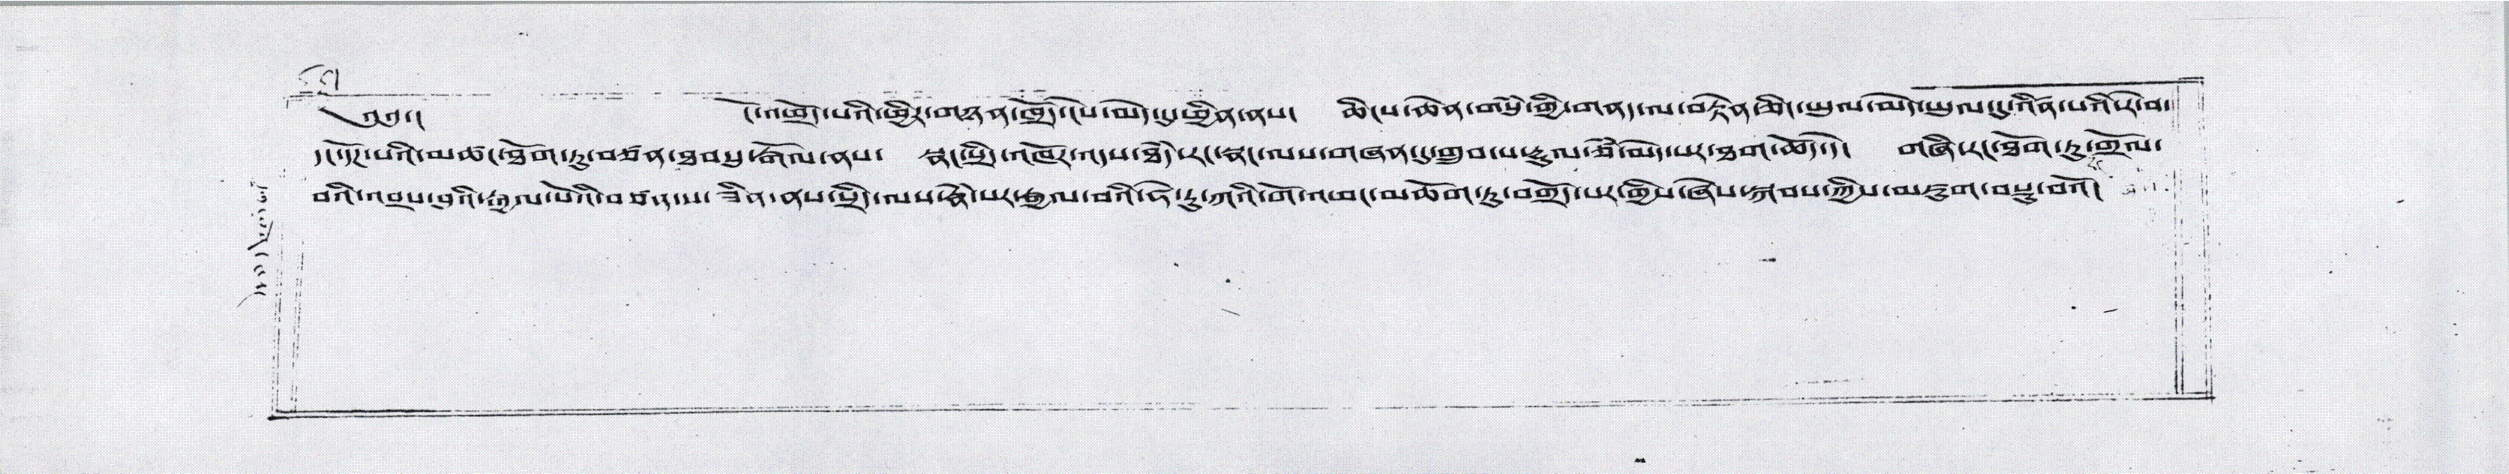ངོ་འཕྲོད་པའི་ཕྱིར་གཉན་ཁྲོད་ངེས་མེད་དུ་ཕྱིན་ནས། ཆིངས་ཆེན་གསུམ་གྱི་གནད་ལ་བརྟེན་ཅིང་ཡུལ་མེད་ཡུལ་དུ་འཛིན་པའི་རེ་བ་
དང་དྭོགས་པའི་མཚང་ཐོག་ཏུ་བཙན་ཐབས་སུ་རྒོལ་ནས། སྣང་སྲིད་འཁོར་འདས་ཐམས་ཅད་རང་སྣང་ལས་གཞན་དུ་གྲུབ་པ་རྡུལ་ཙམ་མེད་པར་ཐག་ཆོད་དེ། གཞི་རང་ཐོག་ཏུ་གྲོལ་
བའི་འབྲས་བུའི་རྒྱལ་པོའི་བཙན་ས་ཟིན་ནས་སྲིད་ལས་རྣམ་པར་རྒྱལ་བའི་ཧེ་རུ་ཀའི་གོ་འཕང་མཆོག་ཏུ་བགྲོད་པར་གྱིས་ཞེས་སྐབས་ཀྱིས་མཇུག་བསྡུ་བའོ།། །།